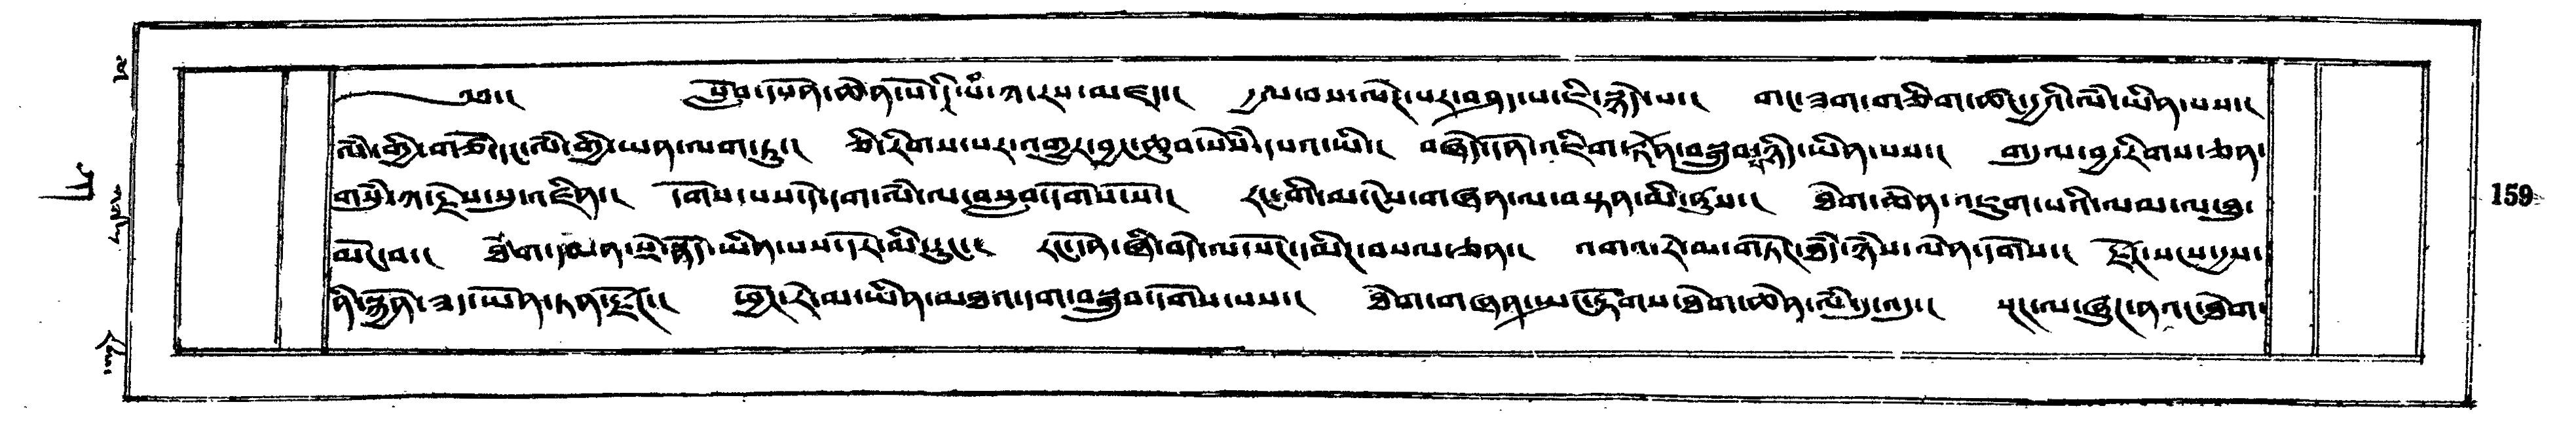།སློབ་དཔོན་ཆེན་པོ་དཱི་པཾ་ཀ་རས་མཛད། །རྒྱལ་བས་ལེགས་པར་བཤད་པ་ཇི་སྙེད་པ། །གང་ཟག་གཅིག་འཚང་རྒྱ་བའི་ལམ་ཡིན་པས། །
ལམ་གྱི་གཙོ་དང་ལམ་གྱི་ཡན་ལག་ཏུ། །ཅི་རིགས་པར་འགྱུར་བྱང་ཆུབ་སེམས་དཔའ་ཡི། །བཞེད་དོན་འཇིག་རྟེན་བསྒྲུབ་པ་ཉིད་ཡིན་པས། །གདུལ་བྱ་རིགས་ཅན་
གསུམ་ཀ་རྗེས་སུ་འཛིན། །དགོས་པས་དེ་དག་ལམ་ལ་བསླབ་དགོས་སོ། །རང་གི་མ་ངེས་གཞན་ལ་བསྟན་མི་ནུས། །ཐེག་ཆེན་འཇུག་པའི་ལམ་ལ་ཐུན་
མོང་བ། །ཐེག་དམན་སྡེ་སྣོད་ཡིན་པས་དོར་མི་རུང་། །རང་དོན་ཞི་བདེ་ལ་སོགས་དམིགས་བསལ་ཅན། །འགའ་རེ་མ་གཏོགས་ཐམས་ཅད་ཉམས་ལེན་དགོས། །རྫོགས་སངས་
རྒྱས་ནི་སྐྱོན་ཟད་ཡོན་ཏན་རྫོགས། །ཕྱོགས་རེ་མ་ཡིན་མཐའ་དག་བསྒྲུབ་དགོས་པས། །ཐེག་གཞན་སྤངས་རྟོགས་ཐེག་ཆེན་ལམ་དུ་འདུ། །སྔགས་ལ་ཞུགས་ནའང་ཐེག་